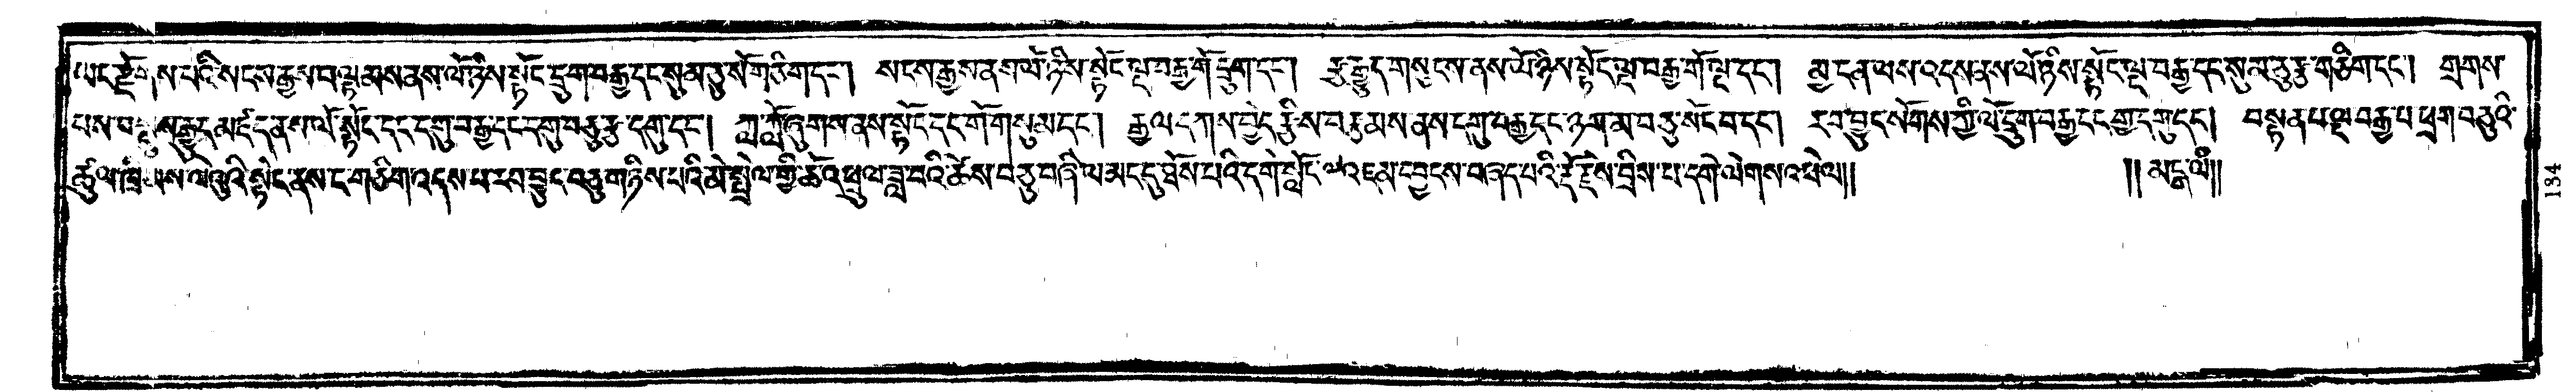ཡང་རྫོགས་པའི་སངས་རྒྱས་བལྟམས་ནས་ལོ་ཉིས་སྟོང་དྲུག་བརྒྱ་དང་སུམ་ཅུ་སོ་གཅིག་དང་། སངས་རྒྱས་ནས་ལོ་ཉིས་སྟོང་ལྔ་བརྒྱ་གོ་དྲུག་དང་། རྩ་རྒྱུད་གསུངས་ནས་ལོ་ཉིས་སྟོང་ལྔ་བརྒྱ་གོ་ལྔ་དང་། མྱ་ངན་ལས་འདས་ནས་ལོ་ཉིས་སྟོང་ལྔ་བརྒྱ་དང་སུམ་ཅུ་རྩ་གཅིག་དང་། གྲགས་
པས་བསྡུས་རྒྱུད་མཛད་ནས་ལོ་སྟོང་དང་དགུ་བརྒྱ་དང་དགུ་བཅུ་རྩ་དགུ་དང་། ཀླ་ཀློ་ཞུགས་ནས་སྟོང་དང་གོ་གསུམ་དང་། རྒྱལ་དཀས་བྱེད་རྩིས་བརྩམས་ནས་དགུ་བརྒྱ་དང་ཉག་མ་བཅུ་སོང་བ་དང་། རབ་བྱུང་སོགས་ཀྱི་ལོ་དྲུ་བརྒྱ་དང་གྱ་དགུ་དང་། བསྟན་པ་ལྔ་བརྒྱ་པ་ཕྲག་བཅུའི་
ཚུལ་ཁྲིམས་ལའུའི་སྟེང་ནས་ང་གཅིག་འདས་པ་རབ་བྱུང་བཅུ་གཉིས་པའི་མེ་སྤྲེལ་གྱི་ཆོ་འཕྲུལ་ཟླ་བའི་ཚེས་བཅུ་བཞི་ལ་མང་དུ་ཐོས་པའི་དགེ་སློང ༧་འཇམ་དབྱངས་བཞད་པའི་རྡོ་རྗེས་བྲིས་པ་དགེ་ལེགས་འཕེལ།། །།མངྒ་ལཾ།